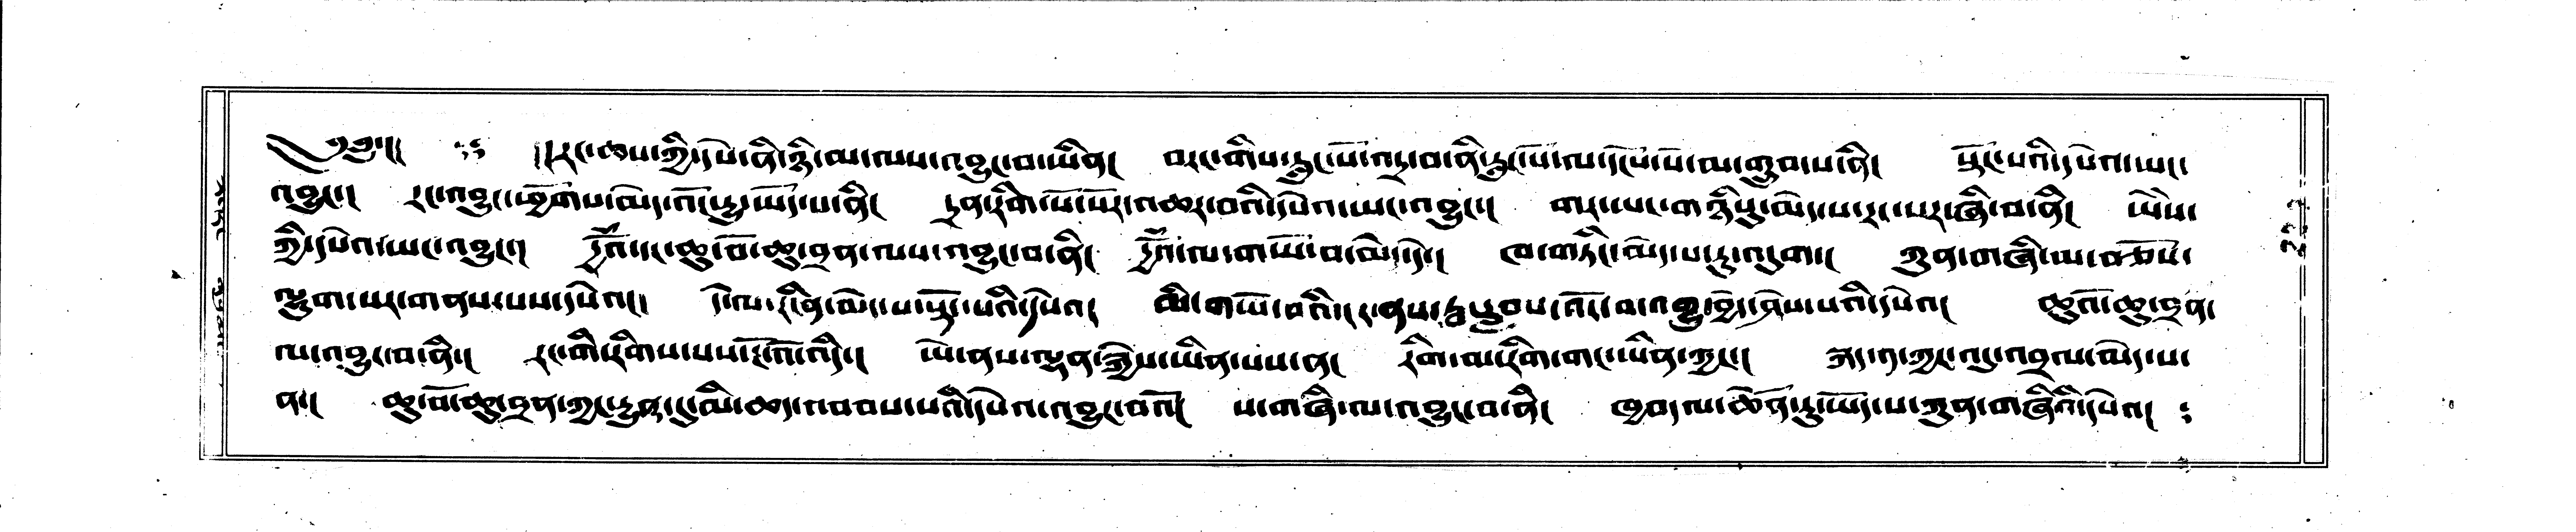རང་ཆས་ཀྱིས་དཔེ་ནི། ཉི་ཟླ་ལས་འབྱུང་བ་ཡིན། བར་སྣང་གི་རླུང་པོ་དང་འདྲ་བས་ནི། རླུང་ལས་དངོས་པོ་མ་གྲུབ་པས་ནི་ སྟོང་པའི་དཔེ་ཡང་
འབྱུང་། རང་འབྱུང་ཕྱོགས་མེད་འོང་རྒྱུ་ཡོད་པས་ནི། དྲན་རིག་སོ་སོར་འཆར་བའི་དཔེ་ཡང་འབྱུང་། གང་ཡང་གཉིས་སུ་མེད་པས་རང་སར་ཞི་བས་ནི། ཡེ་ཤེས་
དཔེ་ཡང་འབྱུང་། རྒྱ་མཚོ་དང་ཆུའོ་ཆུ་ཕྲན་ལས་འབྱུང་པ་ནི། རྒྱ་མཚོ་ལས་གཡོ་བ་མེད་དེ་མཁའ་སྟེང་”ཁ་གཏིང”མེད་པ་རུ་འདུག་པས། ཀུན་གཞི་མ་བཅོས་
ལྷུག་པར་གནས་པའི་དཔེ། དེ་ལ་རང་བཞིན་མེད་པ་སྟོང་པའི་དཔེ། མི་གཡོ་པའི་ངང་ནས་རྦ་རླབས་འོང་བ་འགྱུ་བྱེད་ཤེས་པའི་དཔེ། ཆུ་བོ་ཆུ་བྲན་ལ་
འབྱུང་པ་ནི། རང་གིས་རིག་པའི་ངོའོ་འདི། ཡེ་ནས་ལྷན་སྐྱེས་ཡིན་པས་ནི། རིག་མ་རིག་གང་ཡིན་ཀྱང་། སྐད་གཅིག་ཀྱང་འདུ་འབྲལ་མེད་པས་
ནི། ཆུ་བོ་ཆུ་བྲན་ཀྱང་༼ཡང༽མི་འཆད། རྒྱུན་དུ་འབབ་པའི་དཔེ་འབྱུང་བའོ། ས་གཞི་ལས་འབྱུང་པ་ནི། ཁྱབ་བདལ་ཆེན་པོ་རུ་ཡོད་པས་ཀུན་གཞིའི་དཔེ།